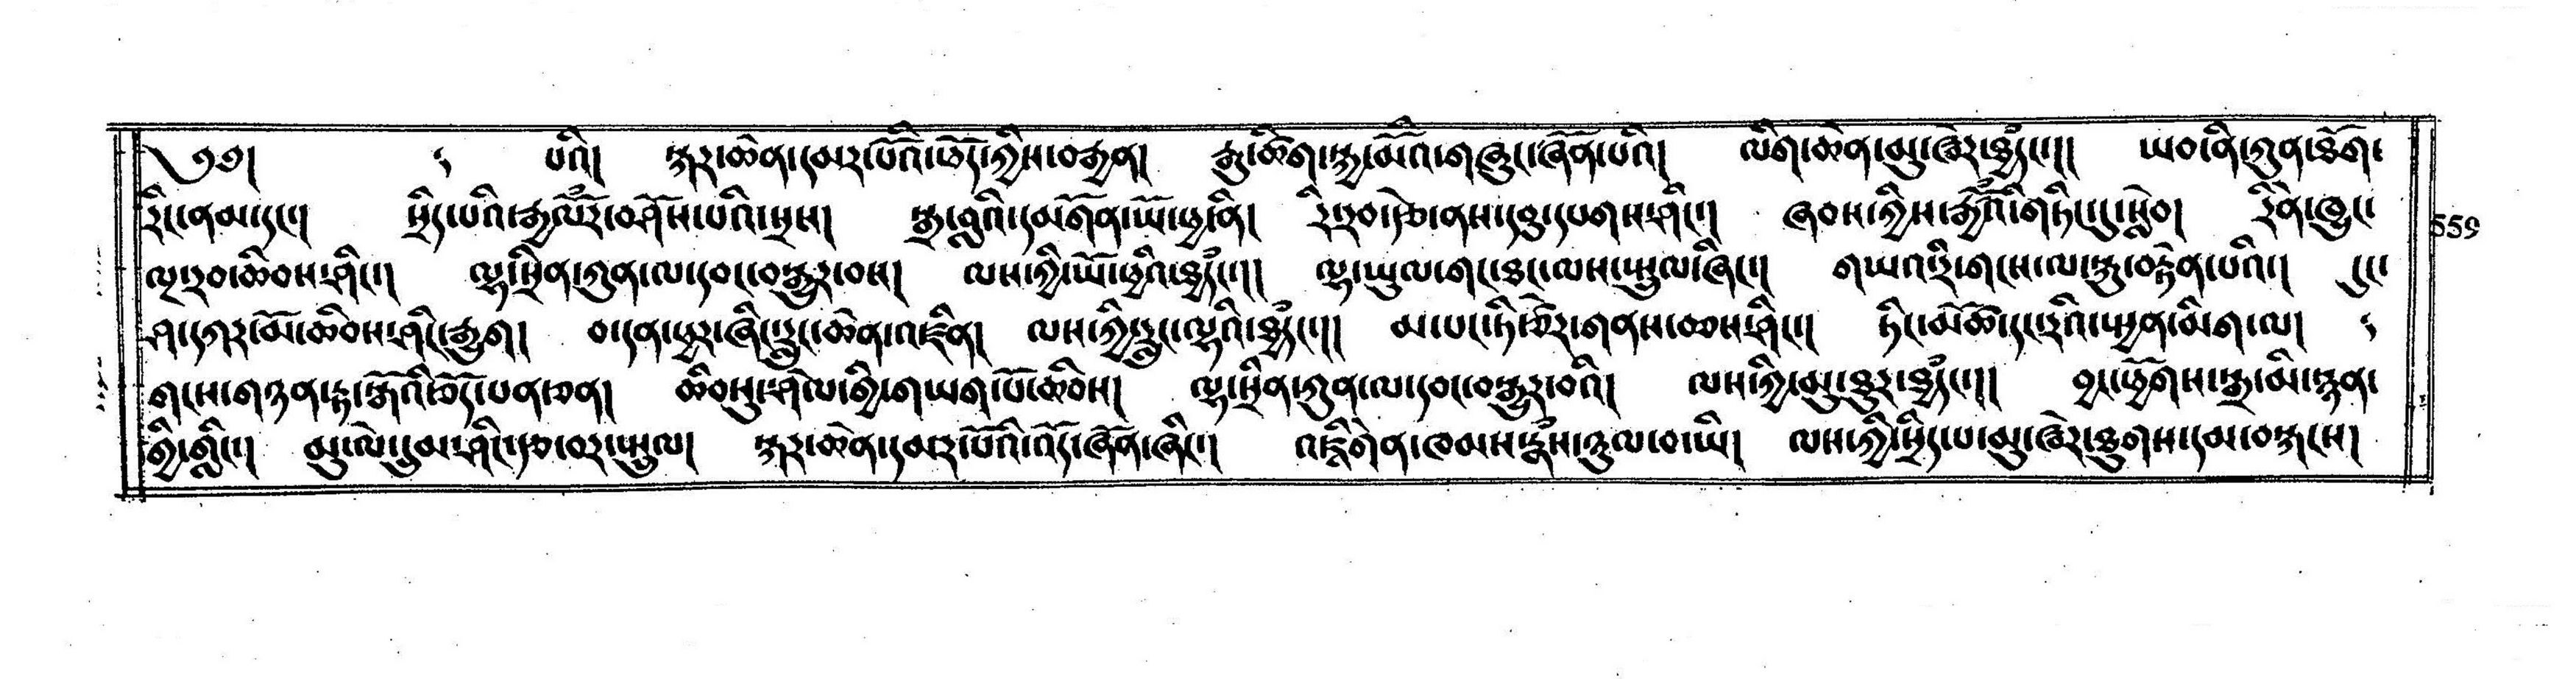པའི། སྐར་ཆེན་དམར་པོའི་ཕོད་ཀྱིས་བརྒྱན། རྒུ་ཚིག་སྐྱ་མོའི་གཞུང་ཞོན་པའི། ལིག་ཆེན་མུ་ཝེར་ཐུགས་དམ་བསྐང་།། ཡབ་ནི་ཀུན་ཐོག་
རིང་ནམ་དང་། སྲིད་པའི་རྒྱལ་མོར་བཤོས་པའི་སྲས། སྒྲ་བླའི་དམག་དཔོན་ཡོ་ཕྱ་ནི། རི་རབ་རྩེ་ནས་དབུ་དཔགས་ཤིང་། ཞབས་ཀྱིས་རྒྱ་མཚོའི་གཏིང་དུ་སླེབ། རིན་ཆེན་ཁྱུང་
ལྔ་རབ་ཆིབས་ཤིང་། ལྷ་སྲིན་ཀུན་ལ་དབང་བསྒྱུར་བས། ལས་ཀྱི་ཡོ་ཕྱའི་ཐུགས་དམ་བསྐང་།། ལྷ་ཡུལ་གང་ཐང་ལས་སྤྲུལ་ཞིང་། གཡའ་རི་གངས་ལ་སྐུ་བརྟེན་པའི། དུང་
ཤ་དཀར་མོ་ཆིབས་ཤིང་རྒྱུག བ་དན་ཕྱར་ཞིང་རླུང་ཆེན་འཛིན། ལས་ཀྱི་རླུང་ལྷའི་ཐུགས་དམ་བསྐང་།། མ་པང་ཏི་ཙེར་གནས་བཅས་ཤིང་། ཏིང་མཚོ་དང་རའི་སྤྱན་མིག་ལ། 
གངས་གཉན་རྟ་སྒོའི་ཅོད་པན་ཅན། ཆིབས་སུ་ཤེལ་གྱི་གཡག་པོ་ཆིབས། ལྷ་སྲིན་ཀུན་ལ་དབང་བསྒྱུར་བའི། ལས་ཀྱི་མུ་ཐུར་ཐུགས་དམ་བསྐང་།། བྱང་ཕྱོགས་སྒྲ་མི་སྙན་
གྱི་གླིང་། མུ་ལེ་དྲུམ་ཤིང་རྩ་བར་སྤྲུལ། སྐར་ཆེན་དམར་པོའི་འོད་ཞོན་ཞིང་། འཇིག་རྟེན་ཁམས་རྣམས་ཉུལ་བ་ཡི། ལས་ཀྱི་སྲིད་པ་མུ་ཝེར་ཐུགས་དམ་བསྐངས།